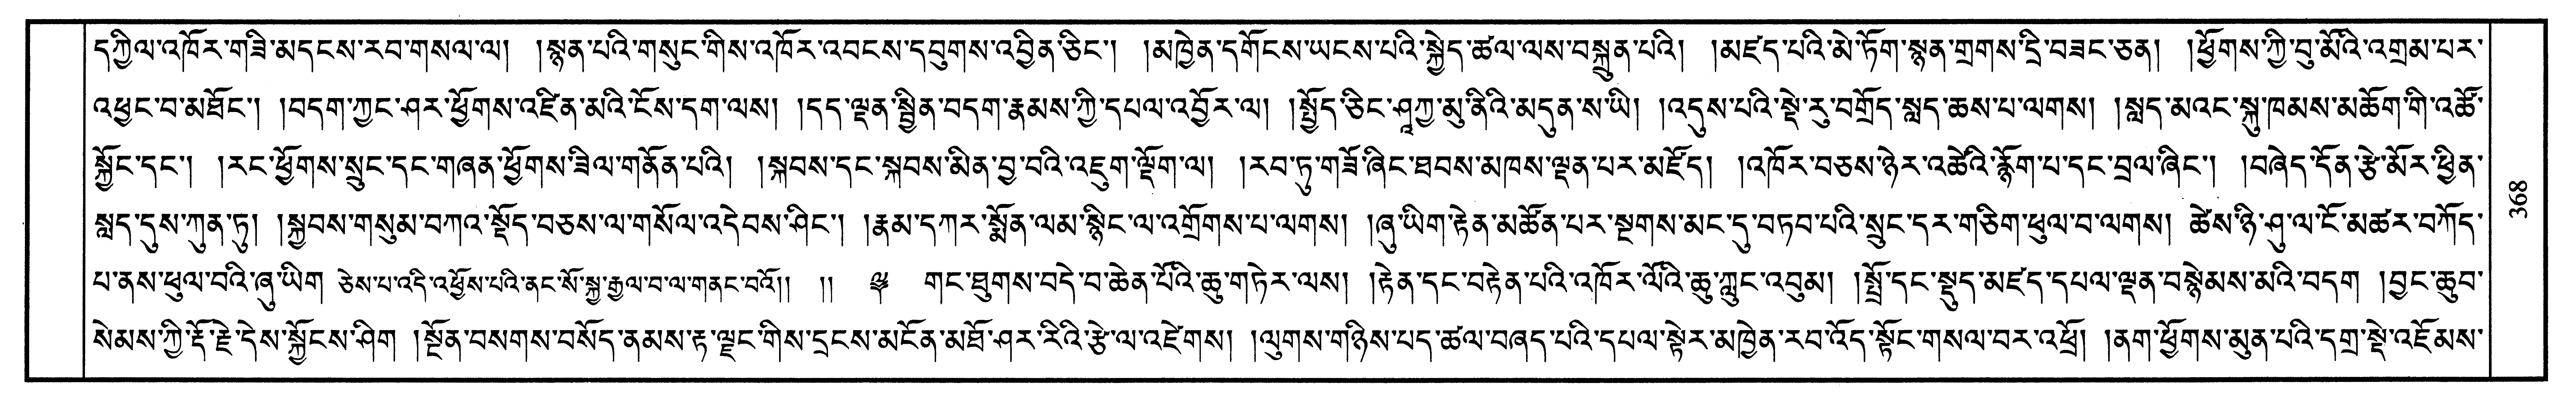དཀྱིལ་འཁོར་གཟི་མདངས་རབ་གསལ་ལ། །སྙན་པའི་གསུང་གིས་འཁོར་འབངས་དབུགས་འབྱིན་ཅིང་། །མཁྱེན་དགོངས་ཡངས་པའི་སྐྱེད་ཚལ་ལས་བསྐྲུན་པའི། །མཛད་པའི་མེ་ཏོག་སྙན་གྲགས་དྲི་བཟང་ཅན། །ཕྱོགས་ཀྱི་བུ་མོའི་འགྲམ་པར་
འཕྱང་བ་མཐོང་། །བདག་ཀྱང་ཤར་ཕྱོགས་འཛིན་མའི་ངོས་དག་ལས། །དད་ལྡན་སྦྱིན་བདག་རྣམས་ཀྱི་དཔལ་འབྱོར་ལ། །སྤྱོད་ཅིང་ཤཱཀྱ་མུ་ནིའི་མདུན་ས་ཡི། །འདུས་པའི་སྡེ་རུ་བགྲོད་སླད་ཆས་པ་ལགས། །སླད་མའང་སྐུ་ཁམས་མཆོག་གི་འཚོ་
སྐྱོང་དང་། །རང་ཕྱོགས་སྲུང་དང་གཞན་ཕྱོགས་ཟིལ་གནོན་པའི། །སྐབས་དང་སྐབས་མིན་བྱ་བའི་འཇུག་ལྡོག་ལ། །རབ་ཏུ་གཟོ་ཞིང་ཐབས་མཁས་ལྡན་པར་མཛོད། །འཁོར་བཅས་ཉེར་འཚེའི་རྙོག་པ་དང་བྲལ་ཞིང་། །བཞེད་དོན་རྩེ་མོར་ཕྱིན་
སླད་དུས་ཀུན་ཏུ། །སྐྱབས་གསུམ་བཀའ་སྡོད་བཅས་ལ་གསོལ་འདེབས་ཤིང་། །རྣམ་དཀར་སྨོན་ལམ་སྙིང་ལ་འགྲོགས་པ་ལགས། །ཞུ་ཡིག་རྟེན་མཚོན་པར་སྔགས་མང་དུ་བཏབ་པའི་སྲུང་དར་གཅིག་ཕུལ་བ་ལགས། ཚེས་ཉི་ཤུ་ལ་ངོ་མཚར་བཀོད་
པ་ནས་ཕུལ་བའི་ཞུ་ཡིག་ཅེས་པ་འདི་འཕྱོས་པའི་ནང་སོ་སྐྱ་རྒྱལ་བ་ལ་གནང་བའོ།། །། ༈ གང་ཐུགས་བདེ་བ་ཆེན་པོའི་ཆུ་གཏེར་ལས། །རྟེན་དང་བརྟེན་པའི་འཁོར་ལོའི་ཆུ་ཀླུང་འབུམ། །སྤྲོ་དང་སྡུད་མཛད་དཔལ་ལྡན་བསྙེམས་མའི་བདག །བྱང་ཆུབ་
སེམས་ཀྱི་རྡོ་རྗེ་དེས་སྐྱོངས་ཤིག །སྔོན་བསགས་བསོད་ནམས་རྟ་ལྗང་གིས་དྲངས་མངོན་མཐོ་ཤར་རིའི་རྩེ་ལ་འཛེགས། །ལུགས་གཉིས་པད་ཚལ་བཞད་པའི་དཔལ་སྟེར་མཁྱེན་རབ་འོད་སྟོང་གསལ་བར་འཕྲོ། །ནག་ཕྱོགས་མུན་པའི་དགྲ་སྡེ་འཇོམས་